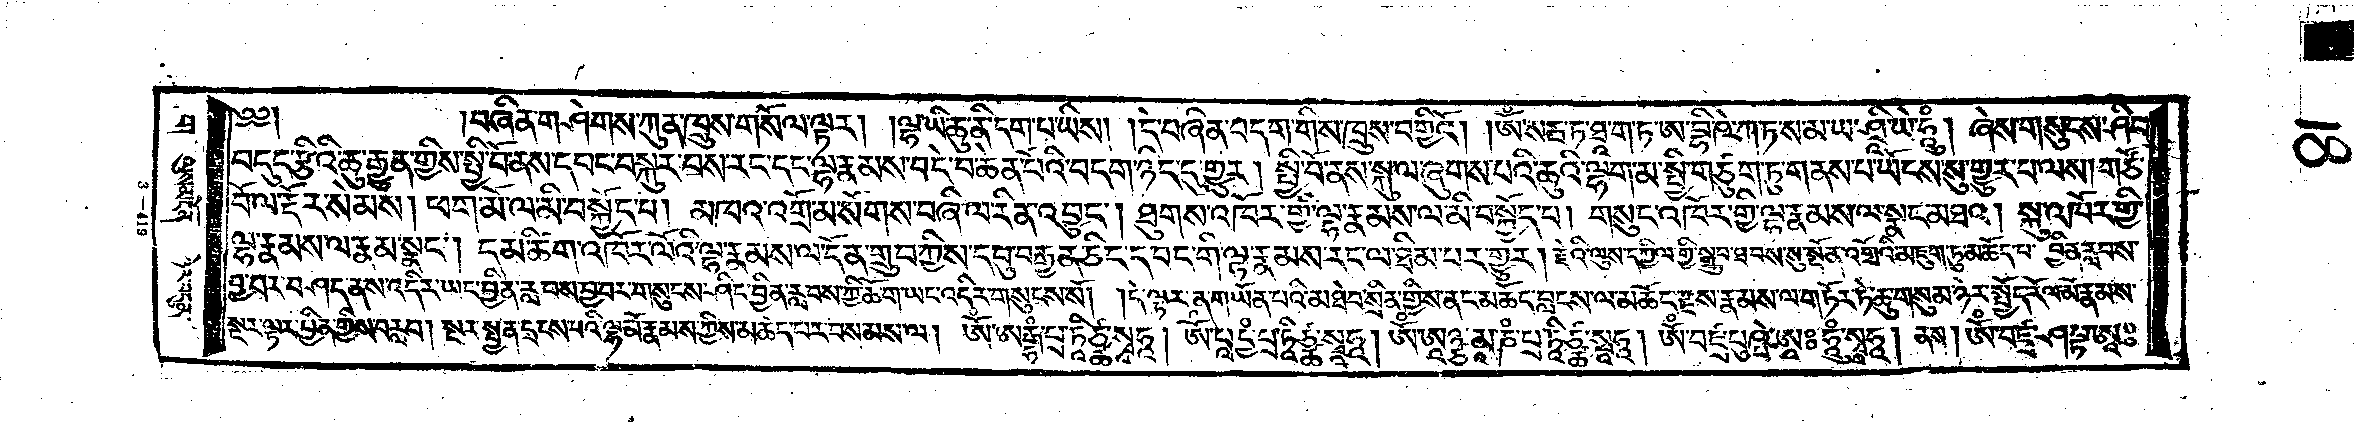༄༅། །བཞིན་གཤེགས་ཀུན་ཁྲུས་གསོལ་ལྟར། །ལྷ་ཡི་ཆུ་ནི་དག་པ་ཡིས། །དེ་བཞིན་བདག་གིས་ཁྲུས་བགྱིའོ། །ཨོཾ་སརྦ་ཏ་ཐཱ་ག་ཏ་ཨ་བྷི་ཥེ་ཀ་ཏ་ས་མ་ཡ་ཤྲཱི་ཡེ་ཧཱུཾ། ཞེས་གསུངས་ཤིང་
བདུད་རྩིའི་ཆུ་རྒྱུན་གྱིས་སྤྱི་བོ་ནས་དབང་བསྐུར་བས་རང་དང་ལྷ་རྣམས་བདེ་བ་ཆེན་པོའི་བདག་ཉིད་དུ་གྱུར། སྤྱི་བོ་ནས་སྐུ་ལ་ཞུགས་པའི་ཆུའི་ལྷག་མ་སྤྱི་གཙུག་ཏུ་གནས་པ་ཡོངས་སུ་གྱུར་པ་ལས། གཙོ་
བོ་ལ་རྡོར་སེམས། ཕག་མོ་ལ་མི་བསྐྱོད་པ། མཁའ་འགྲོ་མ་སོགས་བཞི་ལ་རིན་འབྱུང་། ཐུགས་འཁོར་གྱི་ལྷ་རྣམས་ལ་མི་བསྐྱོད་པ། གསུང་འཁོར་གྱི་ལྷ་རྣམས་ལ་སྣང་མཐའ། སྐུ་འཁོར་གྱི་
ལྷ་རྣམས་ལ་རྣམ་སྣང་། དམ་ཚིག་འཁོར་ལོའི་ལྷ་རྣམས་ལ་དོན་གྲུབ་ཀྱིས་དབུ་བརྒྱན་ཅིང་དབང་གི་ལྷ་རྣམས་རང་ལ་ཐིམ་པར་གྱུར། རྗེའི་ལུས་དཀྱིལ་གྱི་སྒྲུབ་ཐབས་སུ་སྔོན་འགྲོའི་མཇུག་ཏུ་མཆོད་པ་བྱིན་རླབས་
བྱ་བར་བཤད་ནས་འདིར་ཡང་བྱིན་རླབས་བྱ་བར་གསུངས་ཤིང་བྱིན་རླབས་ཀྱི་ཆོ་ག་ཡང་འདིར་གསུངས་སོ། །དེ་ལྟར་ན་གཡོན་པའི་མཐེབ་སྲིན་གྱིས་ནང་མཆོད་བླངས་ལ་མཆོད་རྫས་རྣམས་ལ་གཏོར་ཏེ་ཆུ་གསུམ་ཉེར་སྤྱོད་རོལ་མོ་རྣམས་
སྔར་ལྟར་བྱིན་གྱིས་བརླབ། སྔར་སྤྱན་དྲངས་པའི་ལྷ་མོ་རྣམས་ཀྱིས་མཆོད་པར་བསམས་ལ། ཨོཾ་ཨརྒྷཾ་པྲ་ཏཱིཙྪ་སྭཱཧཱ། ཨོཾ་པཱདྱཾ་པྲ་ཏཱིཙྪ་སྭཱཧཱ། ཨོཾ་ཨཱཉྩ་མཱ་ཎཾ་པྲ་ཏཱིཙྪ་སྭཱཧཱ། ཨོཾ་བཛྲ་པུཥྤེ་ཨཱཿཧཱུཾ་སྭཱཧཱ། ནས་ཨོཾ་བཛྲ་ཤཔྟ་ཨཱཿ